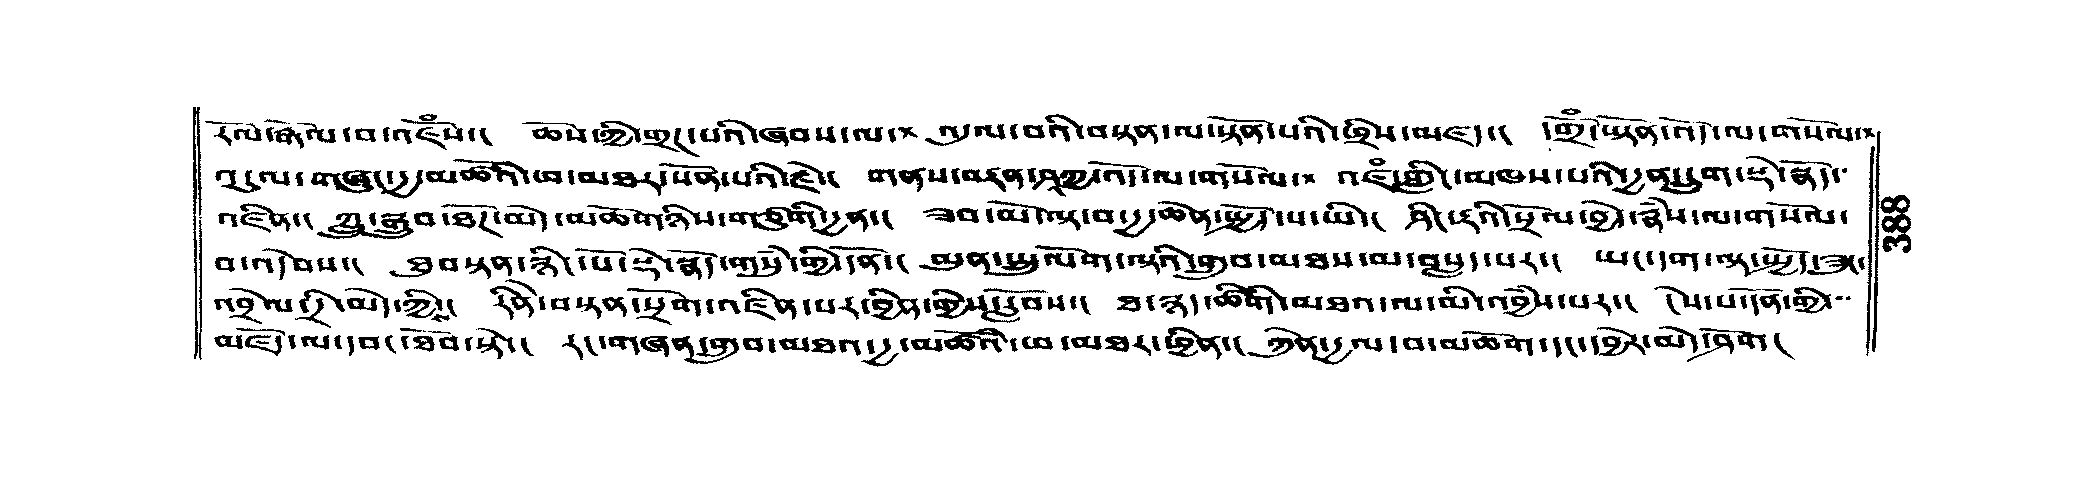རོལ་རྒོལ་བ་འཇོམས། །ཆོས་ཀྱི་གྲགས་པའི་ཞབས་ལ༴ །འདུལ་བའི་བསྟན་ལ་སྟོན་པའི་ཕྲིན་ལས་མཛད། །དགྲ་བཅོམ་ཡོན་ཏན་འོད་ལ་གསོལ༴ 
འདུལ་གཞུང་རྒྱ་མཚོའི་ཕ་མཐར་སོན་པའི་རྗེ། །གནས་བརྟན་ཤཱཀྱ་འོད་ལ་གསོལ༴ །འཛམ་གླིང་མཁས་པའི་རྒྱན་དྲུག་སྡེ་སྣོད་
འཛིན། །ཀླུ་སྒྲུབ་ཐོགས་མེད་མཆོག་གཉིས་གཙུག་གི་རྒྱན། །ཟབ་མོ་ལྟ་བ་རྒྱ་ཆེན་སྤྱོད་པ་ཡི། །ཤིང་རྟའི་སྲོལ་བྱེད་རྣམས་ལ་གསོལ་
བ་འདེབས། །ཐུབ་བསྟན་སྙིང་པོ་སྡེ་སྣོད་གསུམ་གྱི་དོན། །མུན་སྤྲུལ་ལོག་ལྟའི་གྲུབ་མཐས་མ་བསླད་པར། །ཡང་དག་ལྟ་སྤྱོད་ཟུང་
འབྲེལ་དྲི་མེད་ཀྱིས། །རིན་ཆེན་བསྟན་སྲོག་འཛིན་པར་བྱིན་གྱིས་རློབས། །ཐ་སྙད་ཚིག་གི་མཐའ་ལ་མི་འབྱམས་པར། །ངེས་པ་དོན་གྱི་
མཛོད་ལ་དབང་ཐོབ་སྟེ། །རང་གཞན་གྲུབ་མཐའ་རྒྱ་མཚོའི་ཕ་མཐར་ཕྱིན། །ཀུན་མཁྱེན་རྒྱལ་བ་མཆོག་དང་དབྱེར་མེད་ཤོག